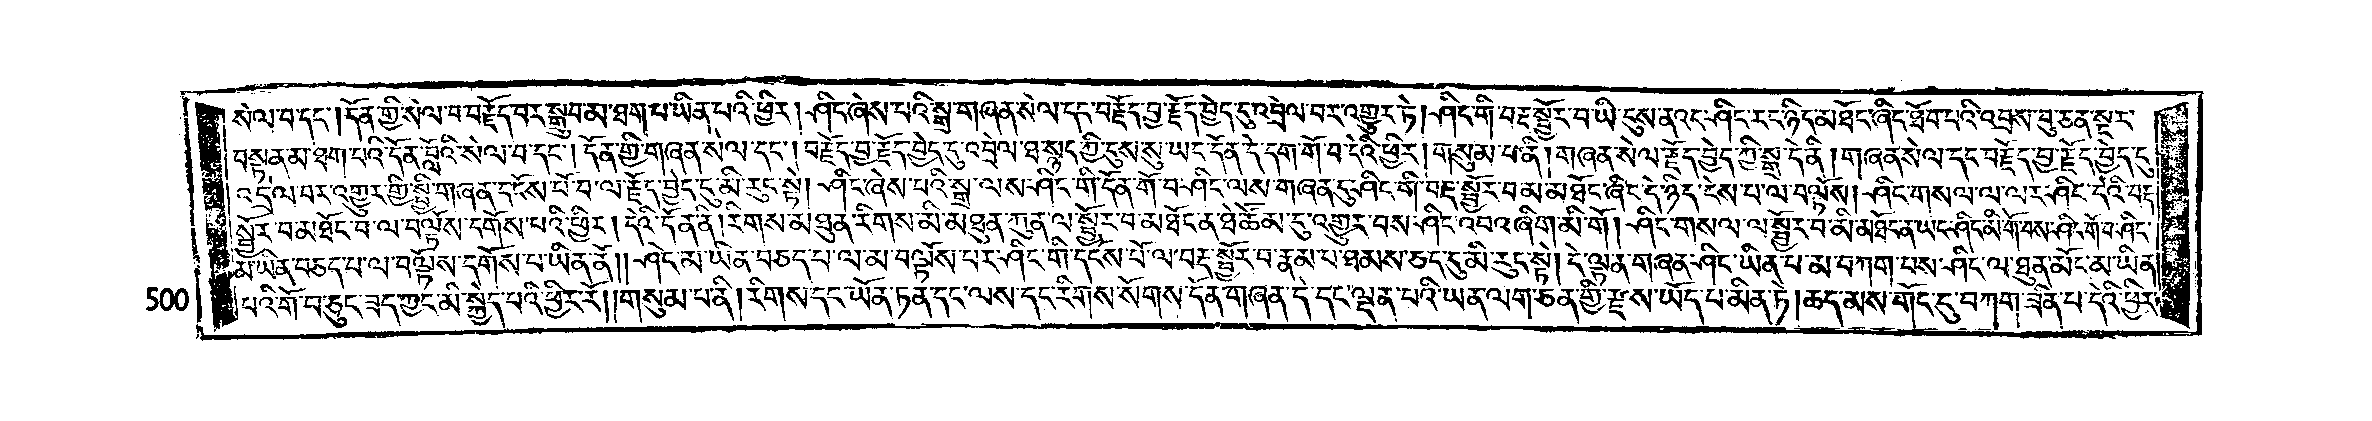སེལ་བ་དང་། དོན་གྱི་སེལ་བ་བརྗོད་པར་སྒྲུབ་མ་ཐག་པ་ཡིན་པའི་ཕྱིར། ཤིང་ཞེས་པའི་སྒྲ་གཞན་སེལ་དང་བརྗོད་བྱ་རྗོད་བྱེད་དུ་འབྲེལ་བར་འགྱུར་ཏེ། ཤིང་གི་བརྡ་སྦྱོར་བ་ཡི་དུས་ནའང་ཤིང་རང་ཉིད་མཐོང་ཞིང་ཐོབ་པའི་འབྲས་བུ་ཅན་སྔར་
བསྟན་མ་ཐག་པའི་དོན་བློའི་སེལ་བ་དང་། དོན་གྱི་གཞན་སེལ་དང་། བརྗོད་བྱ་རྗོད་བྱེད་དུ་འབྲེལ་ཐ་སྙད་ཀྱི་དུས་སུ་ཡང་དོན་དེ་དག་གོ་བ་དེའི་ཕྱིར། གསུམ་པ་ནི། གཞན་སེལ་རྗོད་བྱེད་ཀྱི་སྒྲ་དེ་ནི། གཞན་སེལ་དང་བརྗོད་བྱ་རྗོད་བྱེད་དུ་
འདྲེལ་བར་འགྱུར་གྱི་སྤྱི་གཞན་དངོས་པོ་བ་ལ་རྗོད་བྱེད་དུ་མི་རུང་སྟེ། ཤིང་ཞེས་པའི་སྒྲ་ལས་ཤིང་གི་དོན་གོ་བ་ཤིང་ལས་གཞན་དུ་ཤིང་གི་བརྡ་སྦྱོར་བ་མ་མཐོང་ཞིང་དེ་ཉིད་ངེས་པ་ལ་བལྟོས། ཤིང་གསལ་ལ་ལར་ཤིང་དེའི་བརྡ་
སྦྱོར་བ་མཐོང་བ་ལ་བལྟོས་དགོས་པའི་ཕྱིར། དེའི་དོན་ནི། རིགས་མཐུན་རིགས་མི་མཐུན་ཀུན་ལ་སྦྱོར་བ་མཐོང་ན་ཐེ་ཚོམ་དུ་འགྱུར་བས་ཤིང་འབའ་ཞིག་མི་གོ། ཤིང་གསལ་ལ་སྦྱོར་ལ་མི་མཐོང་ན་ཡང་ཤིང་མི་གོ་བས་ཤིང་གོ་བ་ཤིང་
མ་ཡིན་བཅད་པ་ལ་བལྟོས་དགོས་པ་ཡིན་ནོ། །ཤིང་མ་ཡིན་བཅད་པ་ལ་མ་བལྟོས་པར་ཤིང་གི་དངོས་པོ་ལ་བརྡ་སྦྱོར་བ་རྣམ་པ་ཐམས་ཅད་དུ་མི་རུང་སྟེ། དེ་ལྟ་ན་གཞན་ཤིང་ཡིན་པ་མ་བཀག་པས་ཤིང་ལ་ཐུན་མོང་མ་ཡིན་
པའི་གོ་བ་ཅུང་ཟད་ཀྱང་མི་སྐྱེད་པའི་ཕྱིར་རོ། །གསུམ་པ་ནི། རིགས་དང་ཡོན་ཏན་དང་ལས་དང་རིགས་སོགས་དོན་གཞན་དེ་དང་ལྡན་པའི་ཡན་ལག་ཅན་གྱི་རྫས་ཡོད་པ་མིན་ཏེ། ཚད་མས་གོང་དུ་བཀག་ཟིན་པ་དེའི་ཕྱིར་